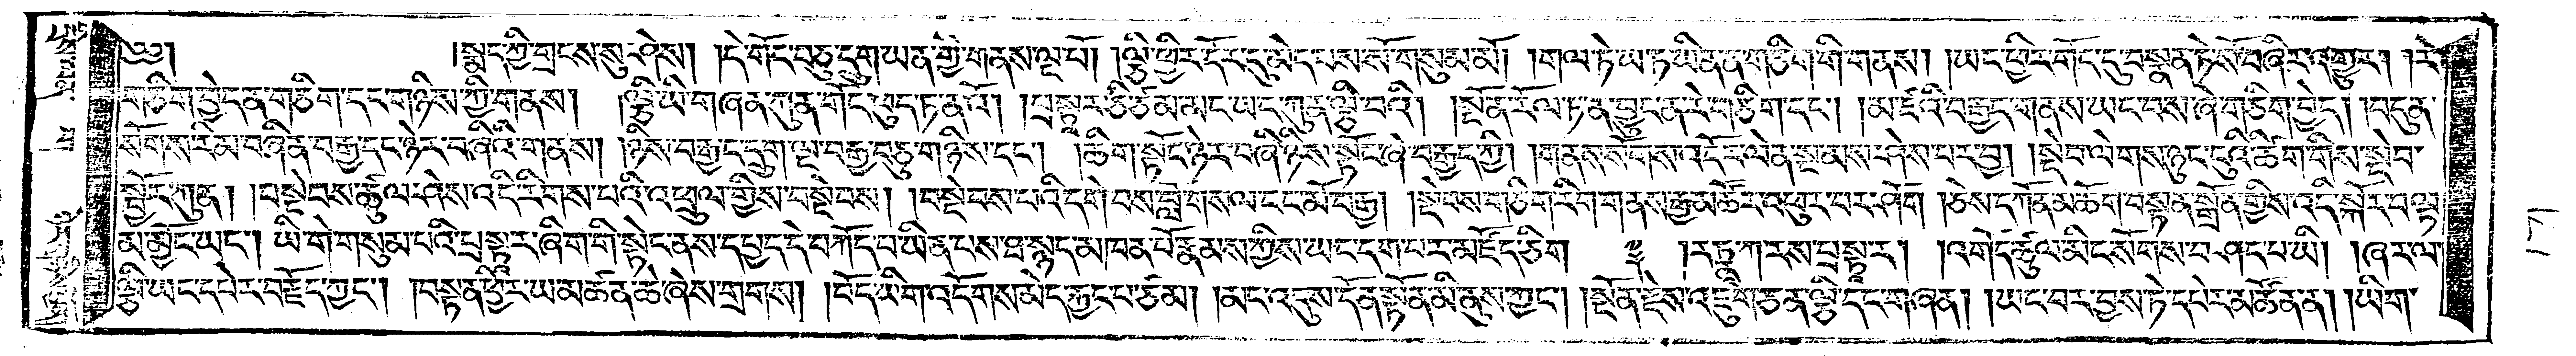༄༅། །སྨད་ཀྱི་གྲངས་སུ་ཤེས། །དེ་གོང་བཅུ་དྲུག་ཡན་གྱི་གནས་ལྔ་པོ། །ལྕི་ཕྱིར་དོར་དུ་མེད་པས་སོ་གསུམ་མོ། །གལ་ཏེ་ཡ་ཏ་ཡིན་ན་གཅིག་གི་གནས། །ཡང་ཕྱིར་གོང་དུ་བསྣན་ཏེ་སོ་བཞིར་འགྱུར། །རེ་
གཅིག་བྱེད་ན་གཅིག་དང་གཉིས་ཀྱི་གནས། །ལྕི་ཡི་གཞན་ཀུན་གོང་ཕུད་ཏ་ནའོ། །པྲ་སྟར་ཅི་ཙམ་མང་ཡང་ཀུན་ལྕི་བའི། །སྔོན་རོལ་ཏ་ན་བྱུང་ན་རེ་གཅིག་དང་། །མཛིའི་བརྒྱད་གནས་ཡང་བས་ཞ་གཅིག་བྱེད། །བདུན་
སོགས་རིམ་བཞིན་བརྒྱ་དང་ཉེར་བཞིའི་གནས། །ཉིས་བརྒྱ་ང་དྲུག་ལྔ་བརྒྱ་བཅུ་གཉིས་དང་། །ཆིག་སྟོང་ཉེར་བཞི་ཉིས་སྟོང་ཞེ་བརྒྱད་ཀྱི། །གནས་སོགས་འདོར་ལེན་སྔ་མས་ཤེས་པར་བྱ། །སྡེ་བ་ལེགས་ཉུང་ངུའི་ཚིག་གིས་སྡེབ་
སྦྱོར་ཀུན། །བསྡེབས་ཚུལ་ཤེས་འདི་རིགས་པའི་འཕྲུལ་གྱིས་བསྡེབས། །བསྡེབས་པའི་དགེ་བས་བློ་གསལ་ངང་མོ་བརྒྱ། །བསྡེབས་གཅིག་རིག་གནས་རྒྱ་མཚོར་འཕུར་བར་ཤོག །ཅེས་དཀོན་མཆོག་བསྟན་སྒྲོན་གྱིས་འདི་སྐོར་བལྟ་
མ་མྱོང་ཡང་། ཡི་གེ་གསུམ་པའི་པྲ་སྟར་ཞིག་གི་སྟེང་ནས་དཔྱད་དེ་བཀོད་པ་ཡིན་པས་ཐ་སྙད་མཁན་པོ་རྣམས་ཀྱིས་ཡང་དག་པར་མཛོད་ཅིག། ༈ །རཏྣ་ཀ་རས་པྲསྟཱ་ར། །འགོད་ཚུལ་མིང་སོགས་བཤད་པ་ཡི། །ཞར་ལ་
ལྕི་ཡང་དཔེར་བརྗོད་ཀྱང་། །བསྟན་ཕྱིར་ཡ་མཚན་ཆེ་ཞེས་གྲགས། །བོད་ཡིག་འདོགས་མེད་རྐྱང་བ་ཙམ། །མང་འདུས་དོན་སྟོན་མི་ནུས་ཀྱང་། །སྔོན་རྗེས་འཇུག་ཅན་ལྕི་དང་གཞན། །ཡང་བར་བྱས་ཏེ་དཔེར་མཚོན་ན། །ཡིག་